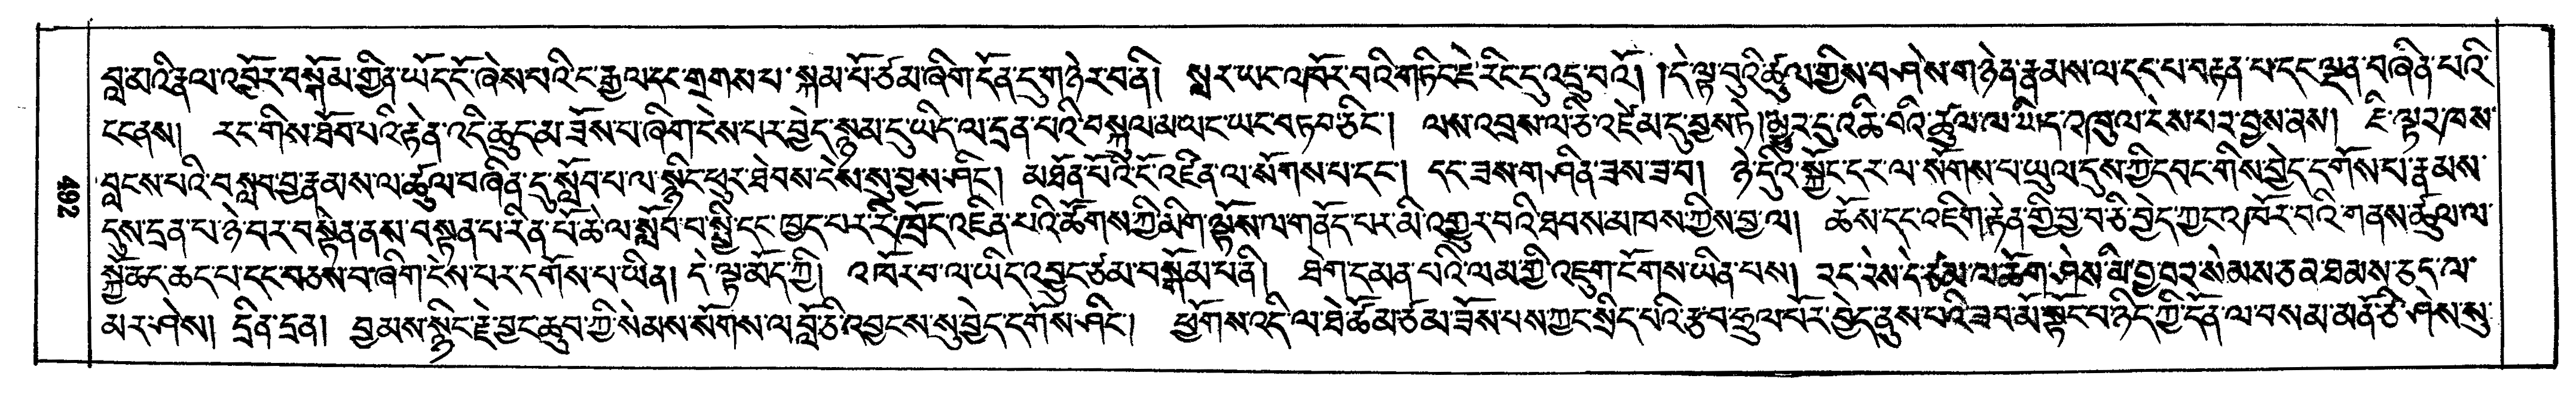བླ་མའི་རྣལ་འབྱོར་བསྒོམ་གྱིན་གྱིན་ཡོད་ངོ་ཞེས་པའི་ང་རྒྱལ་དང་གྲགས་པ་སྐམ་པོ་རྩམ་ཞིག་དོན་དུ་གཉེར་བ་ནི། སླར་ཡང་འཁོར་བའི་ཏིང་ཇེ་རིང་དུ་འདྲུ་བའོ། །དེ་ལྟ་བུའི་ཚུལ་གྱིས་བཤེས་གཉེན་རྣམས་ལ་དད་པ་བརྟན་པོ་དང་ལྡན་བཞིན་པའི་
ངང་ནས། རང་གིས་ཐོབ་པའི་རྟེན་འདི་ཆུང་མ་ཟོས་པ་ཞིག་ངེས་པར་བྱེད་སྙམ་དུ་ཡིད་ལ་དྲན་པའི་བསྐུལ་མ་ཡང་ཡང་བཏབ་ཅིང་། ལས་འབྲས་ལ་ཅི་འཛེམ་དུ་བྱས་ཏེ། མྱུར་དུ་འཆི་བའི་ཚུལ་ལ་ཡིད་འཁུལ་ངེས་པར་བྱས་ནས། ཇི་ལྟར་ཁས་
བླངས་པའི་བསླབ་བྱ་རྣམས་ལ་ཚུལ་བཞིན་དུ་སློབ་པ་ལ་སྙིང་ཕུར་ཐེབས་ངེས་སུ་བྱས་ཤིང་། མཐོན་པོའི་ངོ་འཛིན་ལ་སོགས་པ་དང་། དད་ཟས་གཤིན་ཟས་ཟ་བ། ཉེ་དུའི་སྐྱོང་དར་ལ་སོགས་པ་ཡུལ་དུས་ཀྱི་དབང་གིས་བྱེད་དགོས་པ་རྣམས་
དུས་དྲན་པ་ཉེ་བར་བསྟེན་ནས་བསྟན་པ་རིན་པོ་ཆེ་ལ་སློབ་པ་སྦྱི་དང་ཁྱད་པར་རི་ཁྲོད་འཛིན་པའི་ཚོགས་ཀྱི་མིག་ལྟོས་ལ་གནོད་པར་མི་འགྱུར་བའི་ཐབས་མཁས་ཀྱིས་བྱ་ལ། ཆོས་དང་འཇིག་རྟེན་གྱི་བྱ་བ་ཅི་བྱེད་ཀྱང་འཁོར་བའི་གནས་ཚུལ་ལ་
སྐྱོ་ཆད་ཆད་པ་དང་བཅས་པ་ཞིག་རེས་པར་དགོས་པ་ཡིན། དེ་ལྟ་མོད་ཀྱི། འཁོར་བ་ལ་ཡིད་འབྱུང་ཙམ་བསྒོམ་པ་ནི། ཐེག་དམན་པའི་ལམ་གྱི་འཇུག་ངོགས་ཡིན་པས། རང་རེས་དེ་ཙམ་ལ་ཆོ་ག་ཤེས་མི་བྱ་བར་སེམས་ཅན་ཐམས་ཅད་ལ་
མར་ཤེས། དྲིན་དྲན། བྱམས་སྙིང་རྗེ་བྱང་ཆུབ་ཀྱི་སེམས་སོགས་ལ་བློ་ཅི་འབྱངས་སུ་བྱེད་དགོས་ཤིང་། ཕྱོགས་འདི་ལ་ཐེ་ཚོམ་ཙམ་ཟོས་པས་ཀྱང་སྲིད་པའི་རྩ་བ་ཧྲུལ་པོར་བྱེད་ནུས་པའི་ཟབ་མོ་སྟོང་པ་ཉིད་ཀྱི་དོན་ལ་བསམ་མོན་ཅི་ཤེས་སུ་